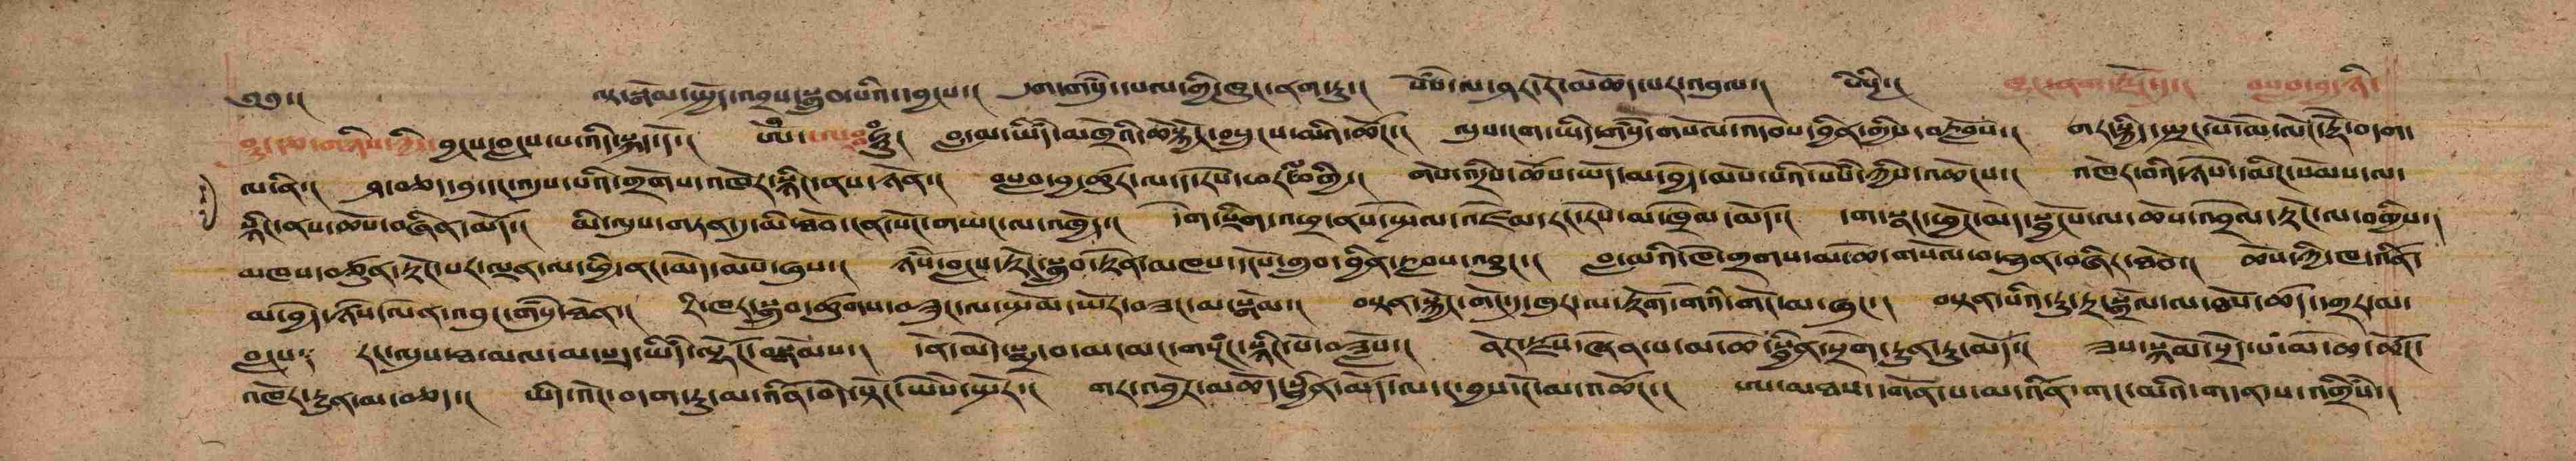༄༅།། ལྟ་སྒོམ་སྤྱོད་འབྲས་སྒྲུབ་པའི་དབྱངས།། དུག་གསུམ་དཔལ་གྱི་ཁྱུང་ནག་ཏུ།། སེམས་ལ་ཤར་རོ་མཆོད་པར་འབུལ།། ཨིཊི།། ཁྱུང་ནག་རྫོང་དུ།། བསླབ་བྱ་ཉི་
ཤུ་རྩ་གཉིས་ཀྱི་དབྱངས་བླངས་པ་འདི་སྐད་དོ།། ཨོཾ་ཨཱཿཧཱུྃ། བླ་མ་ཡིད་དམ་མཁའ་འགྲོ་ཆོས་སྐྱོང་སྲུང་མའི་ཚོགས།། ལུས་ངག་ཡིད་གསུམ་གསོལ་འདེབས་བྱིན་གྱིས་བརློབས།། གར་སྐྱིད་སྤྲང་པོ་མེ་ལོང་རྡོ་རྗེ་བདག་
ལ་ནི།། ཤ་བཅད་བུ་དང་འདུས་པའི་གྲོགས་འཁོར་སྙིང་ནས་ཉོན།། བསླབ་བྱ་ཚུར་ལ་ད་རེས་ཕར་ལ་བགྱི།། གསོ་འདྲིས་ཆོས་ཡོད་མ་བྱེད་མོས་པའི་སེམས་ཀྱིས་འཆོངས།། འཁོར་བའི་ཉེས་དམིགས་སོམས་ལ་
སྙིང་ནས་ཆོས་བཞིན་མཛོད།། མི་ལུས་གཏན་དུ་མི་ཐོབ་ངན་སོང་གཡང་ལ་འཁྱོད།། དགེ་སྡིག་འཕྲ་ནས་སྤེལ་འཛེམ་རང་རེས་མ་ཁྲེལ་མཛོད།། དག་སྣང་ཕྱོགས་མེད་སྦྱོངས་ལ་ཆོས་འབྲེལ་རྟོགས་ལ་བགྱིས།། 
མཁས་བཙུན་རྟོགས་པར་ལྡན་ལ་ཕྱི་ནང་མེད་མོས་ཞུས།། ཉམས་བླངས་རྟོགས་སྒྲུབ་རྟེན་མཁས་དངོས་གྲུབ་བྱིན་རླབས་འབྱུང་།། བླ་མའི་ཁེ་གྲགས་མ་ཆེ་གསོལ་བ་ཐུན་བཞིར་ཐོབ།། ཆོས་ཀྱི་ཁ་འཛིན་
མ་བྱེད་ཉམས་ལེན་འབུང་གསུམ་ཐོན།། རི་ཁར་སྒྲུབ་ཚུགས་བཟུང་ལ་སྤོམ་ཡོར་བཟང་མ་སྒོམ།། བསྟན་སྐྱོང་གོང་དུ་ཁུར་ལ་རྟོག་གེའི་གོང་མ་ཞུགས།། བསྟན་པའི་རུ་ཏྲ་སྒྲོལ་ལ་ཐོས་ཚད་གྲར་མ་
བླངས།། རང་ལུས་ཐ་མལ་མ་སྡད་ཡིད་དམ་ལྷ་ཚོགས་བསྒོམས།། དོན་མེད་སྨྲ་བ་མ་མང་གསང་སྔགས་སྙིང་པོ་བཟློས།། ནོར་རྫས་ཞེན་པ་མ་ཆེ་སྦྱིན་སྲེག་རྒྱུན་ཏུ་མཛོད།། ཟས་སྐོམ་སྲེད་པ་མ་ཆེ་ཚོགས་
འཁོར་རྒྱུན་མ་བཅད།། ཡིད་འོང་བདག་ཏུ་མ་འཛིན་བདེ་སྟོང་ཡེ་ཤེས་སྤོར།། གར་འབྱོར་མཆོད་སྦྱིན་མཛོད་ལ་ང་བྱས་མོ་མ་འཆོང་།། ཨ་མཐས་དགོན་པ་མ་འཛིན་གོང་མའི་གདན་ས་འགྲིམས།།